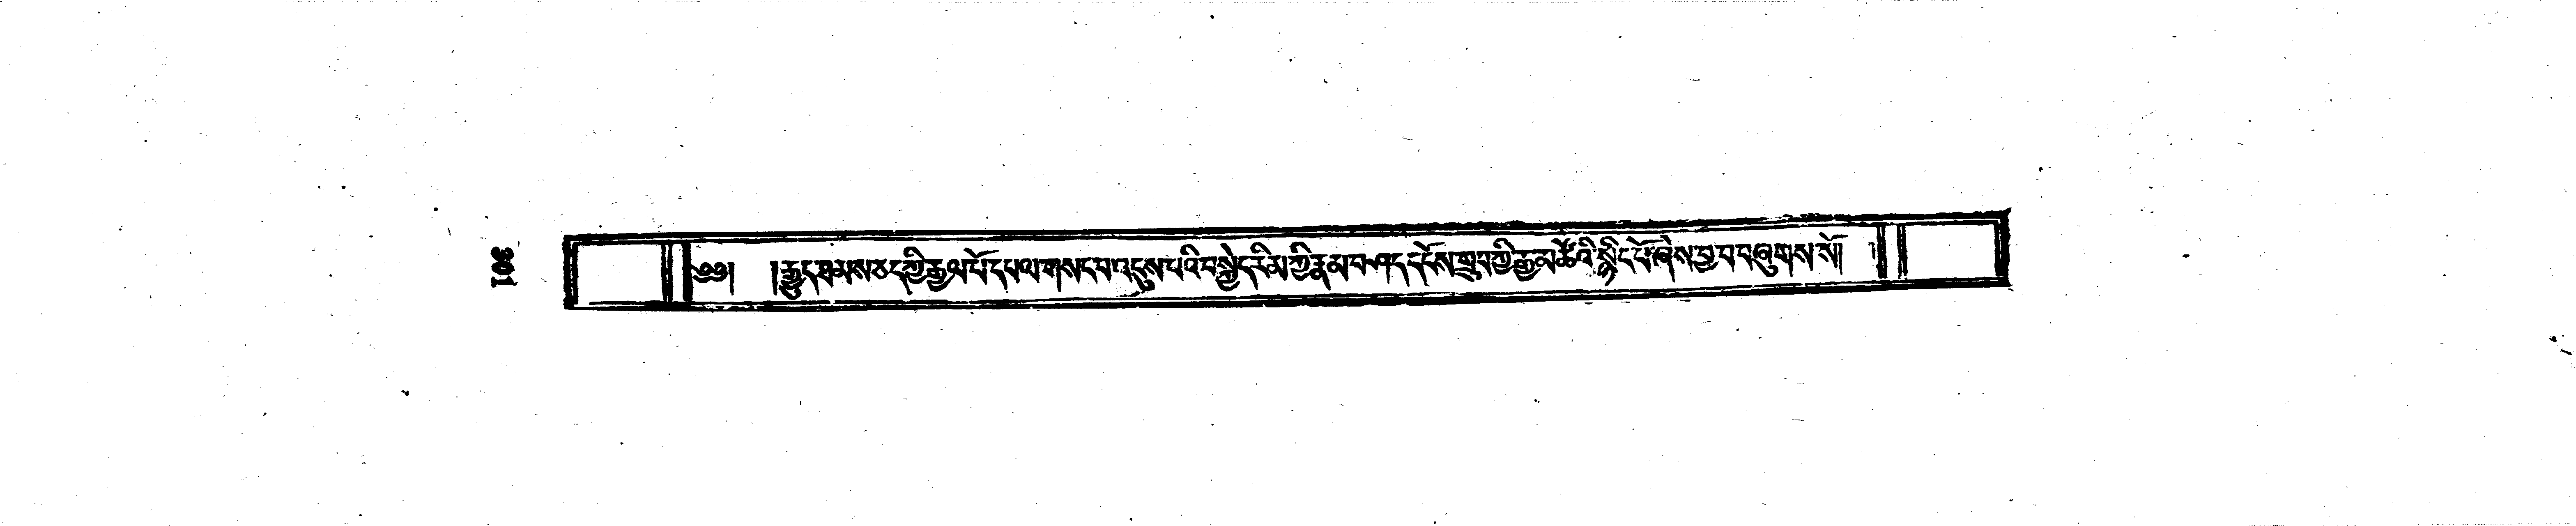༄༅། །རྒྱུད་ཐམས་ཅད་ཀྱི་རྒྱལ་པོ་དཔལ་གསང་བ་འདུས་པའི་བསྐྱེད་རིམ་གྱི་རྣམ་བཤད་དངོས་གྲུབ་ཀྱི་རྒྱ་མཚོའི་སྙིང་པོ་ཞེས་བྱ་བ་བཞུགས་སོ། །